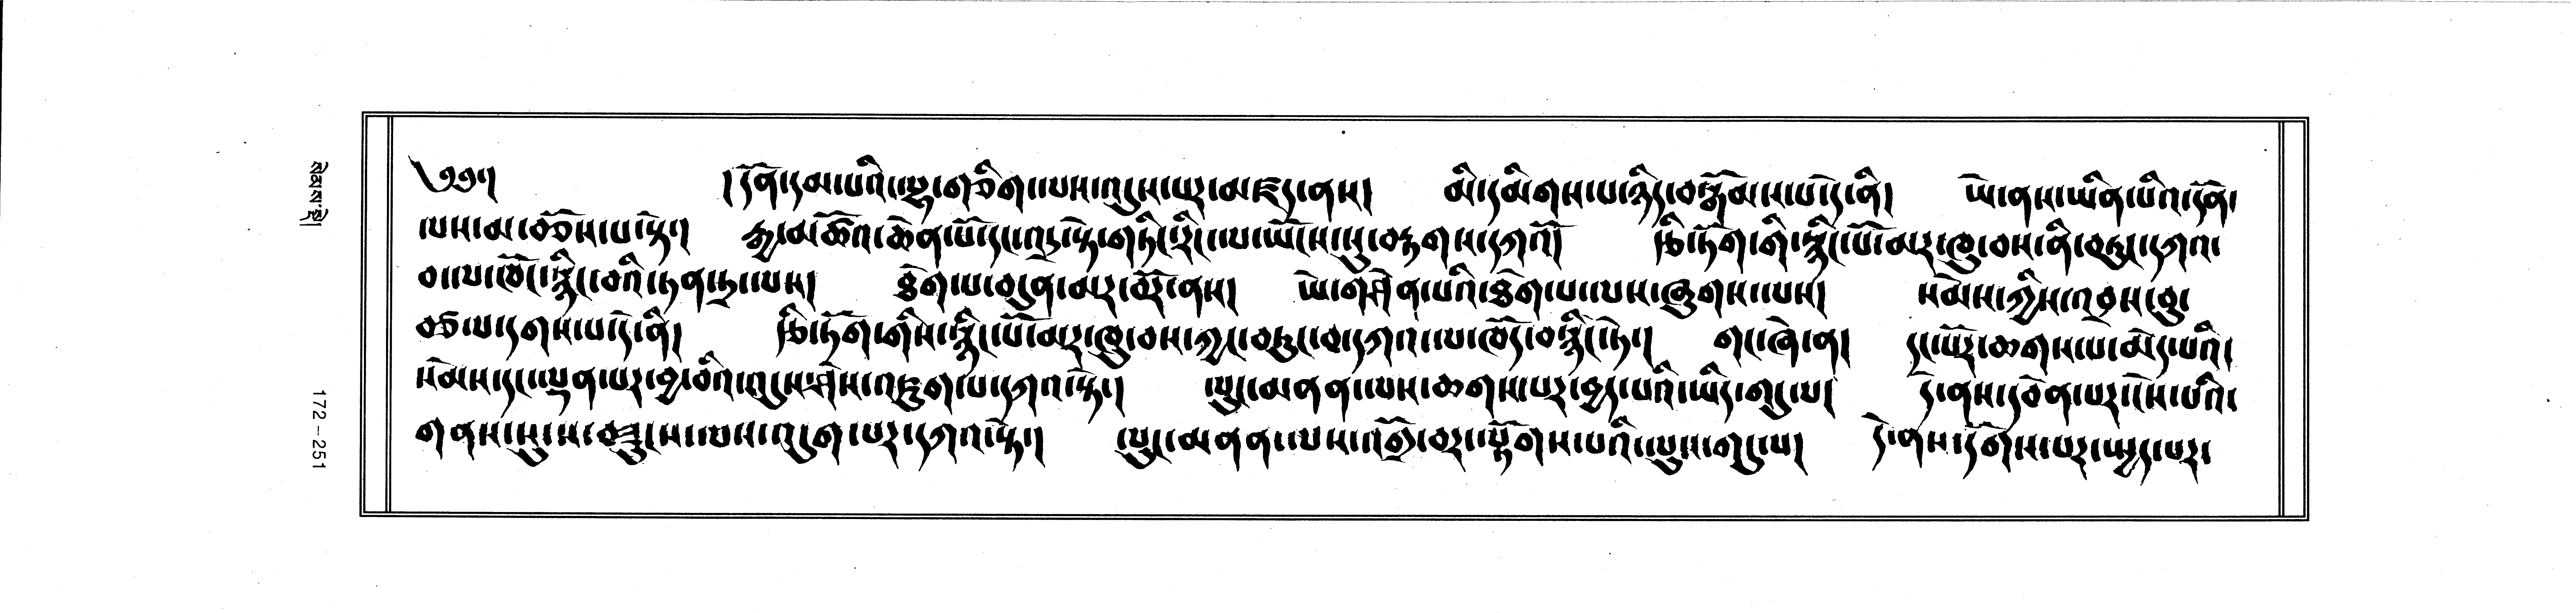དོན་དམ་པའི་ལྷ་གཅིག་ལས་འདུས་པར་མཛད་ནས། མི་དམིགས་པ་ཉིད་བསྒོམས་པ་དེ་ནི། ཡེ་ནས་ཡིན་པའི་དོན་
ལས་མ་བཅོས་པ་སྟེ། རྒྱ་མཚོའ་ཆེན་པོ་དང་འདྲ་སྟེ་གཏིང་རིང་ལ་ཡོངས་སུ་བརྟགས་དཀའོ། རྩི་ཏོག་གི་སྙིང་པོ་མར་ཁུ་བས་ནི་བཏུང་དཀའ་
བ་ལ་ཁོང་སྙིང་བའི་ཏན་ཏྲ་ལས། ཐེག་པ་བདུན་མར་བོར་ནས། ཡེ་གཤེན་པའི་ཐེག་པ་ལས་ཞུགས་ལས། སེམས་ཀྱིས་འབྲས་བུ་
བཙལ་དགོས་པ་དེ་ནི། རྩི་ཏོག་གིས་སྙིང་པོ་མར་ཁུ་བའ་ཀྱང་བཏུང་བ་དཀའ་ལ་ཁོད་བསྙིང་ཏེ། གང་ཞེ་ན། དང་པོར་ཆགས་པ་མེད་པའི། 
སེམས་དང་ལྡན་པར་བྱ་བའི་འདུས་ཤེས་འཇུག་པ་དཀའ་སྟེ། ལུང་མནན་ལས་ཆགས་པར་བྱད་པའི་ཡིད་གདུལ། དེ་ནས་དབེན་པར་ངེས་པའི་
གནས་སུ་ས་བཟུངས་ལས་འདུག་པར་དཀའ་སྟེ། ལུང་མནན་ལས་འགྲོ་བར་ལྟོགས་པའི་ལུས་གདུལ། དེ་ནས་དོགས་པར་སྤྱད་པར་